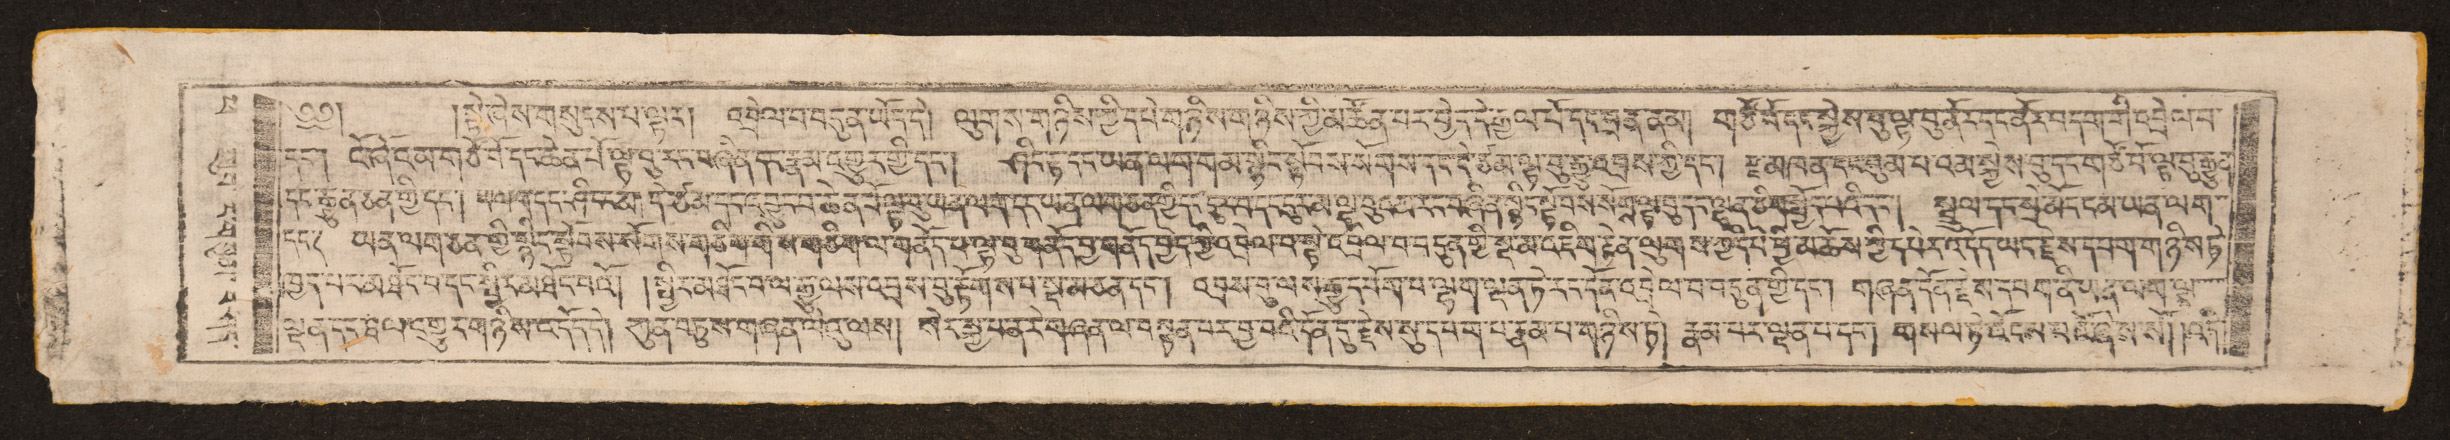༄༅། །སྟེ་ཞེས་གསུངས་པ་ལྟར། འབྲེལ་བ་བདུན་ཡོད་དེ། ལུགས་གཉིས་ཀྱི་དཔེ་གཉིས་གཉིས་ཀྱི་མཚོན་པར་བྱེད་དེ་རྒྱལ་བོ་དང་བྲན་ནམ། གཙོ་བོ་དང་སྐྱེས་བུ་ལྟ་བུ་ནོར་དང་ནོར་བདག་གི་འབྲེལ་བ་
དང་། འོ་ཞོའམ་གཙོ་བོ་དང་ཆེན་པོ་ལྟ་བུ་རང་བཞིན་དང་རྣམ་འགྱུར་གྱི་དང་། ཤིང་རྟ་དང་ཡན་ལག་གམ་སྙིང་སྟོབས་སོགས་དང་དེ་ཙམ་ལྟ་བུ་རྒྱུ་འབྲས་ཀྱི་དང་། རྫ་མཁན་དང་བུམ་པ་འམ་སྐྱེས་བུ་དང་གཙོ་བོ་ལྟ་བུ་རྒྱུན་
དང་རྒྱུན་ཅན་གྱི་དང་། ཡ་ལག་དང་ཤིང་དམ། དེ་ཙམ་དང་འབྱུང་བ་ཆེན་པོ་ལྟ་བུ་ཡན་ལག་དང་ཡན་ལག་ཅན་གྱི་དང་ངུར་བ་དང་ངུར་མ་ལྷ་བུའམ་རང་བཞིན་སྙིང་སྟོབས་སོགས་ལྟ་བུ་དང་ལྷན་ཅིག་སྤྱོད་བའི་དང་། སྦྲུལ་དང་སྲེ་མོང་དམ་ཡན་ལག་
དང༑ ཡན་ལག་ཅན་གྱི་སྙིང་སྟོབས་སོགས་གཅིག་གིས་གཅིག་ལ་གནོད་པ་ལྟ་བུ་གནོད་བྱ་གནོད་བྱེད་ཀྱི་འབྲེལ་བ་སྟེ་འབྲེལ་བ་བདུན་གྱི་སྔ་མ་འཇིག་རྟེན་ལུགས་ཀྱི་དཔེ་ཕྱི་མ་ཆོས་ཀྱི་དཔེར་འདོད་ཡང་རྗེས་དཔག་གཉིས་ཏེ་
ཁྱད་པར་མཐོང་བ་དང་སྤྱིར་མཐོང་བའོ། །སྤྱིར་མཐོང་བ་ལ་རྒྱུ་ལས་འབྲས་བུ་རྟོགས་པ་སྔ་མ་ཅན་དང་། འབྲས་བུ་ལས་རྒྱུ་དཔོག་བ་ལྷག་ལྡན་ཏེ་རང་དོན་འབྲེལ་བ་བདུན་གྱི་དང་། གཞན་དོན་རྗེས་དཔག་ནི་ཡན་ལག་ལྔ་
ལྡན་དང་ཐལ་འགྱུར་གཉིས་འདོད་དེ། ཀུན་བཏུས་གཞན་ལེའུ་ལས། སེར་སྐྱ་བ་ན་རེ་གཞན་ལ་བསྟན་པར་བྱ་བའི་དོན་དུ་རྗེས་སུ་དཔག་བ་རྣམ་པ་གཉིས་ཏེ། རྣམ་པར་ལྡན་པ་དང་། གསལ་ཏེ་འོངས་པའོ་ཞེས་སོ། འདི་